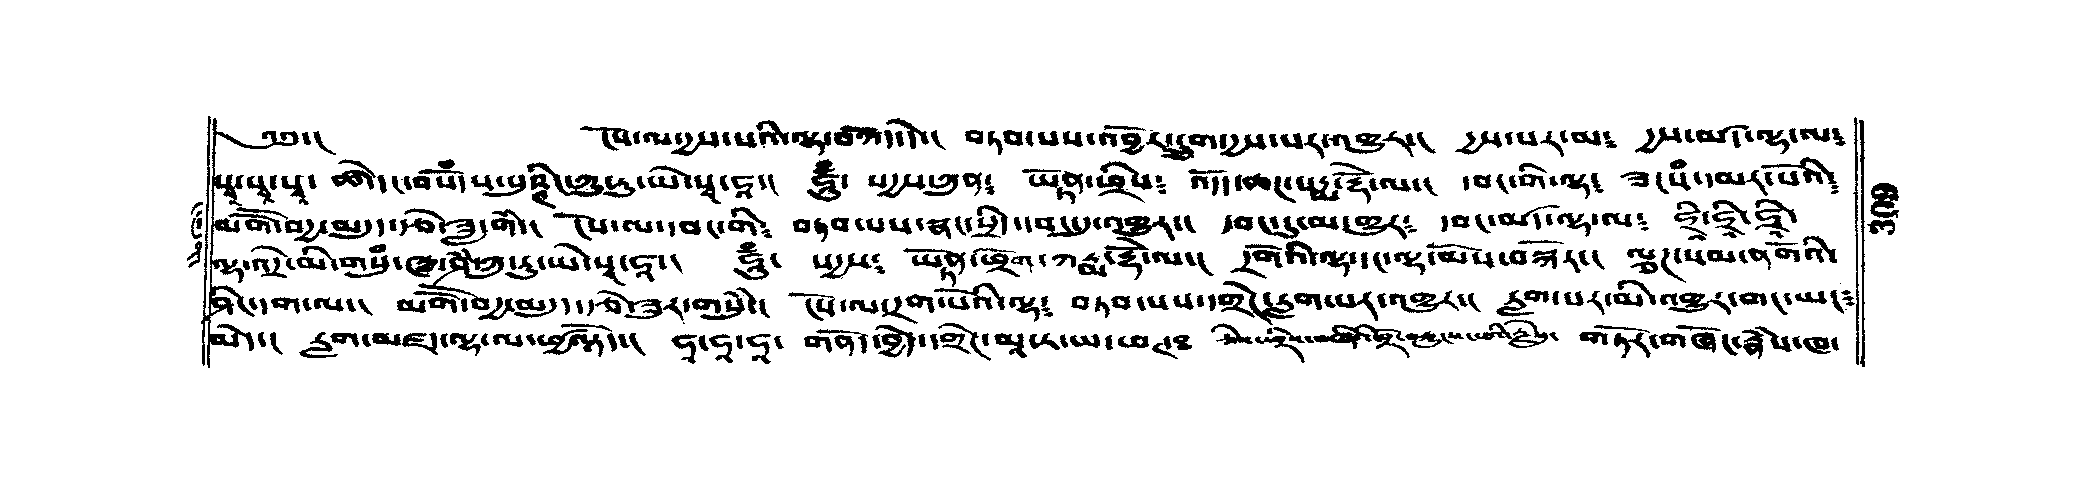ངོས་ལ་རྒྱས་པའི་ལྷ་བཀོད་དེ། །བཏབ་པས་འབྱོར་དྲུག་རྒྱས་པར་འགྱུར། །རྒྱས་པར་མ་༴ རྒྱས་མཛད་ལྷ་ལ་༴ 
སྭཱ་སྭཱ་སྭཱ། ཚེ་དང་བསོད་ནམས་པུཥྚིང་ཀུ་རུ་ཡེ་སྭཱ་ཧཱ། ཧཱུྃ། སངས་རྒྱས་ཀུན་༴ ཡོན་ཏན་ཕྲིནལས་༴ འདོད་ཆགས་པདྨ་རྡོ་རྗེ་ལ། །དབང་གི་ལྷ་༴ ཟངས་སམ་དམར་པོའི་༴ 
མགོ་བོ་བརྒྱ་མདུད་རྩེ་ཟླ་གམ། །ངོས་ལ་དབང་གི་༴ བཏབ་པས་སྣང་སྲིད་དབང་དུ་འགྱུར། །དབང་དུ་མ་གྱུར་༴ དབང་མཛད་ལྷ་ལ་༴ ཧྲཱི་ཧྲཱི་ཧྲཱི། 
ལྷ་འདྲེ་མི་གསུམ་ཝ་ཤཾ་ཀུ་རུ་ཡེ་སྭཱ་ཧཱ། ཧཱུྃ། སངས་རྒྱས་༴ ཡོན་ཏན་ཕྲག་དོག་ཀརྨ་རྡོ་རྗེ་ལ། །དྲག་པོའི་ལྷ་དང་ལྷ་མོས་བསྐོར། ། ལྕགས་སམ་ནག་པོའི་
ཤིང་དག་ལ། །མགོ་བོ་བརྒྱ་མདུད་རྩེ་ཟུར་གསུམ། །ངོས་ལ་དྲག་པོའི་ལྷ་༴ བཏབ་པས་དགྲ་བགེགས་རླག་པར་འགྱུར། །རླག་པར་མི་འགྱུར་གང་ཡང་
མེད། །རླག་མཛད་ལྷ་ལ་ཕྱག་འཚལ་བསྟོད།། ཧཱ་ཧཱ་ཧཱ།གནོད་བྱེད་དགྲ་བགེགས་མཱ་ར་ཡ་ཕཊཿ ཅེས་ཕྲིན་ལས་བཞིའི་བྲོ་བརྡུང་བའི་རྗེས་སུ། གཏོར་གཞོང་རྣམས་ཁ་